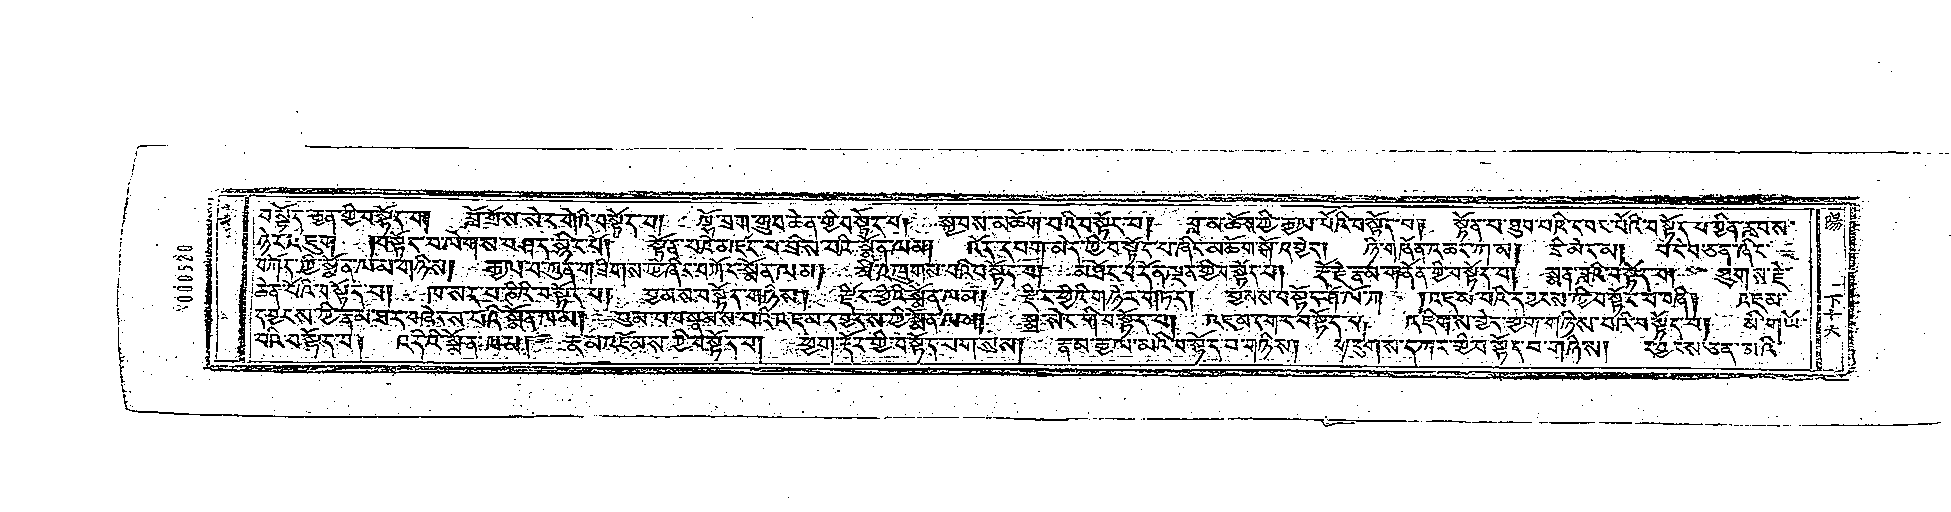བསྟོད་རྒྱན་གྱི་བསྟོད་བ། བློ་གྲོ་ས་སེང་གེའི་བསྟོད་པ། ལྷོ་བྲག་གྲུབ་ཆེན་གྱི་བསྟོད་པ། སྐྱབས་མཆོག་པའི་བསྟོད་པ། བླ་མ་ཆོས་ཀྱི་རྒྱལ་པོའི་བསྟོད་བ། སྟོན་པ་ཐུབ་པའི་དབང་པོའི་བསྟོད་པ་བྱིན་རླབས་
ཉེར་འཇུག །བསྟོད་བ་ལེགས་བཤད་སྙིང་པོ། སྟོན་པའི་མཛད་པ་བྲིས་པའི་སྨོན་ལམ། འོད་དཔག་མེད་ཀྱི་བསྟོད་པ་ཞིང་མཆོག་སྒོ་འབྱེད། ཉི་གཞོན་འཆད་ཀ་མ། དྲི་མེད་མ། བདེ་བ་ཅན་ཞིང་
བཀོད་ཀྱི་སྨོན་ལམ་གཉིས། རྒྱལ་བ་ཀུན་གཟིགས་ཀྱི་ཞིང་བཀོད་སྨོན་ལམ། མི་འཁྲུགས་བའི་བསྟོད་བ། མཐོང་བ་དོན་ལྡན་གྱི་བསྟོད་པ། རྡོ་རྗེ་རྣམ་གནོན་གྱི་བསྟོད་པ། སྨན་བླའི་བསྟོད་པ། ཐུགས་རྗེ་
ཆེན་པོའི་བསྟོད་བ། ཁ་སར་པ་ཎིའི་བསྟོད་པ། བྱམས་བསྟོད་གཉིས། རྫིང་ཕྱིའི་སྨྲོན་ལམ། རྫིང་གྱིའི་གཉེར་གཏད། བྱམས་བསྟོད་ཤོ་ལོ་ཀ །འཇམ་པའི་དབྱངས་ཀྱི་བསྟོད་པ་བཞི། །འཇམ་
དབྱངས་ཀྱི་རྣམ་ཐར་བཞེངས་པའི་སྨོན་ལམ། བུམ་པ་བསྣམས་པའི་འཇམ་དབྱངས་ཀྱི་སྨོན་ལམ། སྨྲ་སེང་གེ་བསྟོད་པ། འཇམ་དགར་བསྟོད་པ། འཇིགས་བྱེད་ཕྱག་གཉིས་བའི་བསྟོད་པ། མི་གཡོ་
བའི་བསྟོད་པ། འདིའི་སྨོན་ལམ། རྣམ་འཇོམས་ཀྱི་བསྟོད་བ། ཕྱག་རྡོར་གྱི་བསྟོད་པ་གསུས། རྣམ་རྒྱལ་མའི་བསྟོད་པ་གཉིས། གདུགས་དཀར་གྱི་བསྟོད་པ་གཉིས། དབྱངས་ཅན་མའི་